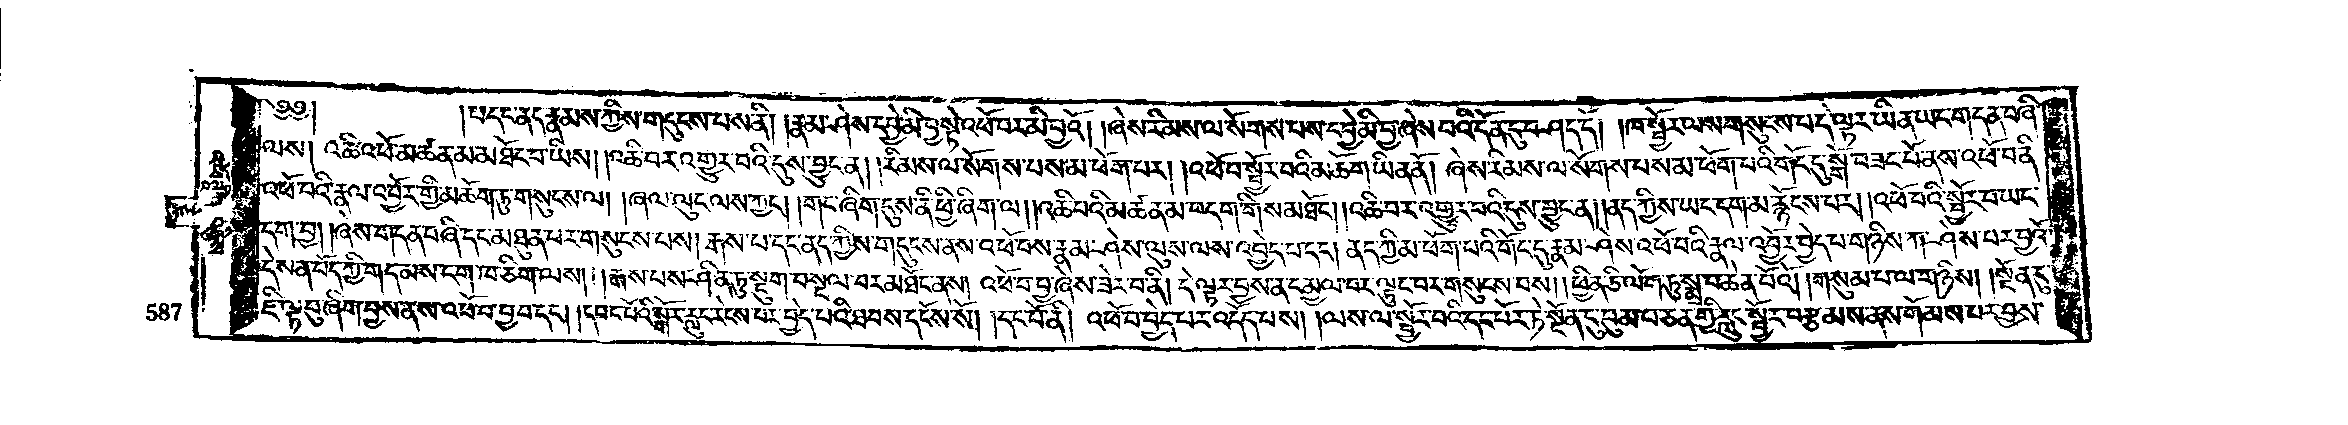༄༅། །པ་དང་ནད་རྣམས་ཀྱིས་གདུངས་པས་ནི། །རྣམ་ཤེས་དབྱེ་མི་བྱ་སྟེ་འཕོ་བར་མི་བྱའོ། །ཞེས་རིམས་ལ་སོགས་པས་དབྱེ་མི་བྱ་ཞེས་པའི་དོན་དུ་བཤད་དོ། །ཁ་སྦྱོར་ལས་གསུངས་པ་དེ་ལྟར་ཡིན་ཡང་གདན་བཞི་
ལས། འཆི་འཕོ་མཚན་མ་མཐོང་བ་ཡིས། །འཆི་བར་འགྱུར་བའི་དུས་བྱུང་ན། །རིམས་ལ་སོགས་པས་མ་ཕོག་པར། །འཕོ་བ་སྦྱོར་བའི་མཆོག་ཡིན་ནོ། ཞེས་རིམས་ལ་སོགས་པས་མ་ཕོག་པའི་གོང་དུ་སྒོ་བཟང་པོ་ནས་འཕོ་བ་ནི་
འཕོ་བའི་རྣལ་འབྱོར་གྱི་མཆོག་ཏུ་གསུངས་ལ། །ཞལ་ལུང་ལས་ཀྱང་། །གང་ཞིག་དུས་ནི་ཕྱི་ཞིག་ལ། །འཆི་བའི་མཚན་མ་བདག་གིས་མཐོང་། །འཆི་བར་འགྱུར་བའི་དུས་བྱུང་ན། །ནད་ཀྱིས་ཡང་དག་མ་རྙོངས་པར། །འཕོ་བའི་སྦྱོར་བ་ཡང་
དག་བྱ། །ཞེས་གདན་བཞི་དང་མཐུན་པར་གསུངས་པས། རྒས་པ་དང་ནད་ཀྱིས་གདུངས་ནས་འཕོ་བས་རྣམ་ཤེས་ལུས་ལས་འབྱེད་པ་དང་། ནད་ཀྱི་མ་ཕོག་པའི་གོང་དུ་རྣམ་ཤེས་འཕོ་བའི་རྣལ་འབྱོར་བྱེད་པ་གཉིས་ཀ་ཤེས་པར་བྱའོ།
དེས་ན་བོད་ཀྱི་གདམས་ངག་ཁ་ཅིག་ལས། །རྒས་པས་ཤིན་ཏུ་སྡུག་བསྔལ་བར་མཐོང་ནས། འཕོ་བ་བྱ་ཞེས་ཟེར་བ་ནི། དེ་ལྟར་བྱས་ན་དམྱལ་བར་ལྟུང་བར་གསུངས་པས། །ཕྱིན་ཅི་ལོག་ཏུ་སྨྲ་བ་ཆེན་པོའོ། །གསུམ་པ་ལ་གཉིས། །སྔོན་དུ་
ཇི་ལྟ་བུ་ཞིག་བྱས་ནས་འཕོ་བ་བྱ་བ་དང་། །དབང་པོའི་སྒོར་རླུང་རེངས་པར་བྱེད་པའི་ཐབས་དངོས་སོ། །དང་པོ་ནི། འཕོ་བ་བྱེད་པར་འདོད་པས། །ལས་ལ་སྦྱོར་བའི་དང་པོར་ཏེ་སྔོན་དུ་བུམ་པ་ཅན་གྱི་རླུང་སྦྱོར་བརྩམས་ནས་གོམས་པར་བྱས་